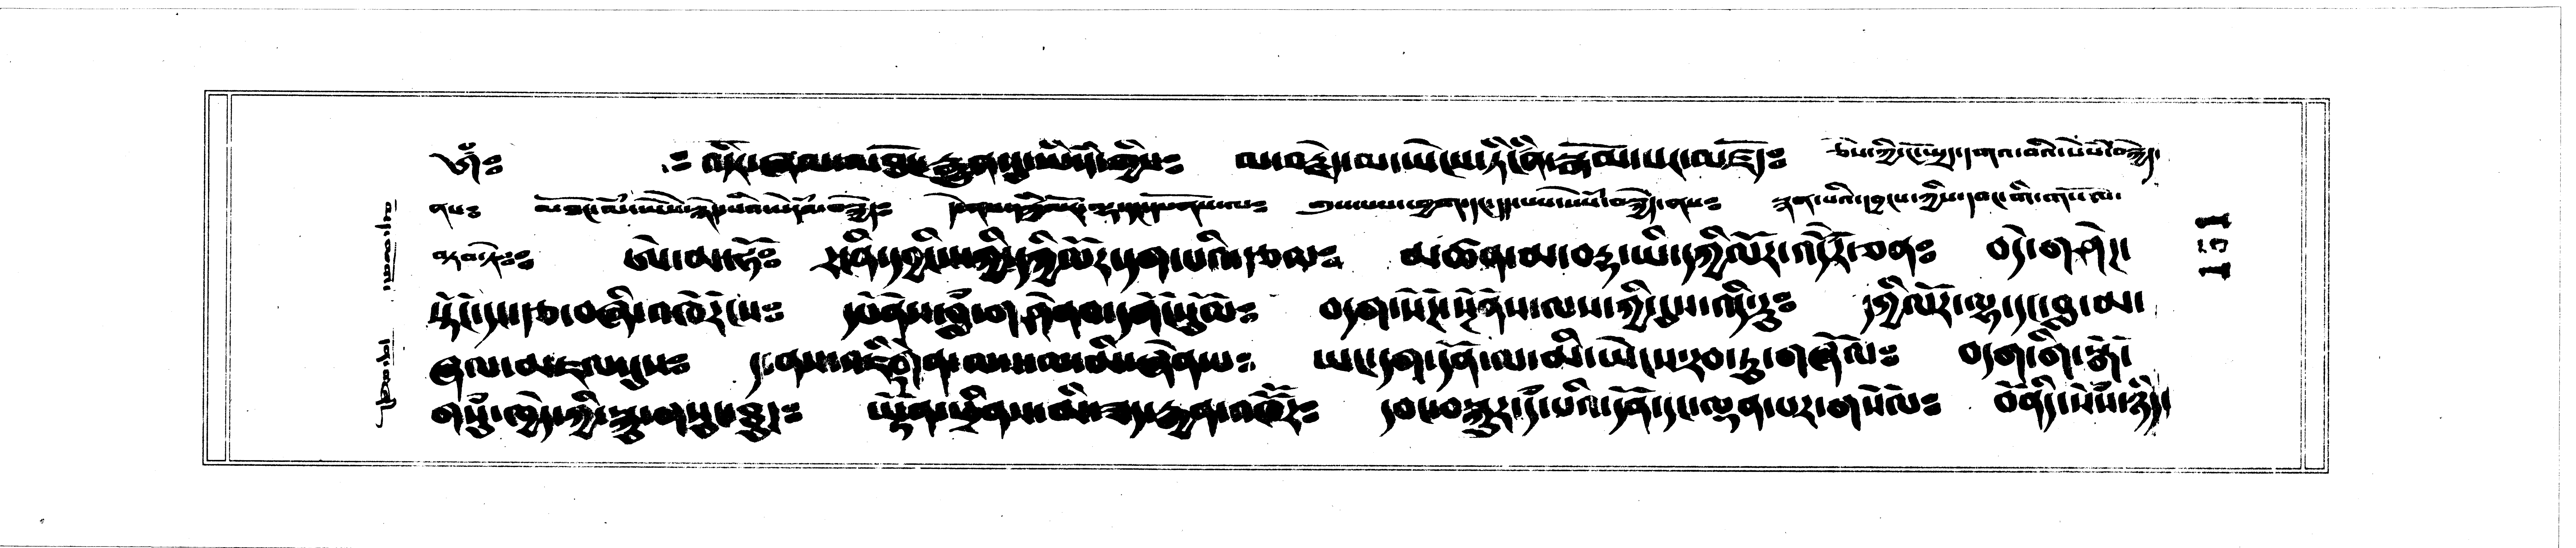འདིར་ཞལ་མཐོང་རྒྱུན་དུ་ཡིད་དམ་གྱིསཿ མ་བརྗེད་མ་ཡེངས་ཏིང་འཛིན་བསྒོམ་པར་མཛོདཿ ཅེས་ཀྱི་ངོ་སྤྲད་དགའ་བའི་སེམས་བསྐྱེད་
ནསཿ མཐོང་ལམ་ཡེ་ཤེས་རྙེད་པའི་སེམས་པ་བསྐྱེདཿ དེ་ནས་དཀྱིལ་འཁོར་ལྷ་དང་དཔོན་གསས་ལཿ གུས་པས་ཕྱག་དང་དད་པས་སེམས་བསྐྱེད་ནསཿ སྙན་པའི་དབྱངས་ཀྱིས་དབང་གིས་གསོལ་
བཏབ་སྟེཿ ཨེ་མ་ཧོཿ རང་བཞིན་དབྱིངས་ཀྱི་དཀྱིལ་འཁོར་དག་པའི་རྩལཿ མཚན་མ་བརྡ་ཡི་དཀྱིལ་འཁོར་འོད་ཟེར་ཅནཿ བདེར་གཤེགས་
སྟོང་དང་རྩ་བཞི་འཁོར་དང་བཅསཿ དཔོན་གསས་བླ་མ་གཤེན་རབ་དགོངས་སུ་གསོལཿ བདག་སོགས་སྔོན་ནས་ལས་ཀྱིས་དུས་འདི་རུཿ དཀྱིལ་འཁོར་ལྷ་དང་བླ་མ་
ཞལ་མཇལ་དུསཿ ད་ནས་འཇིག་རྟེན་ལས་ལ་མི་ཞེན་པཿ ཡང་དག་དོན་ལ་མི་ཡེངས་རབ་ཏུ་གཞོལཿ བདག་གི་སྒོ་
སུམ་ཁྱེད་ཀྱི་སྐུ་གསུང་ཐུགསཿ ཡོན་ཏན་ཕྲིན་ལས་མི་བཟད་རྒྱན་འཁོར་ལོཿ དབང་སྐུར་དམ་པའི་དོན་དང་ལྡན་པར་གསོལཿ བོན་ཉིད་སེམས་ཉིད་